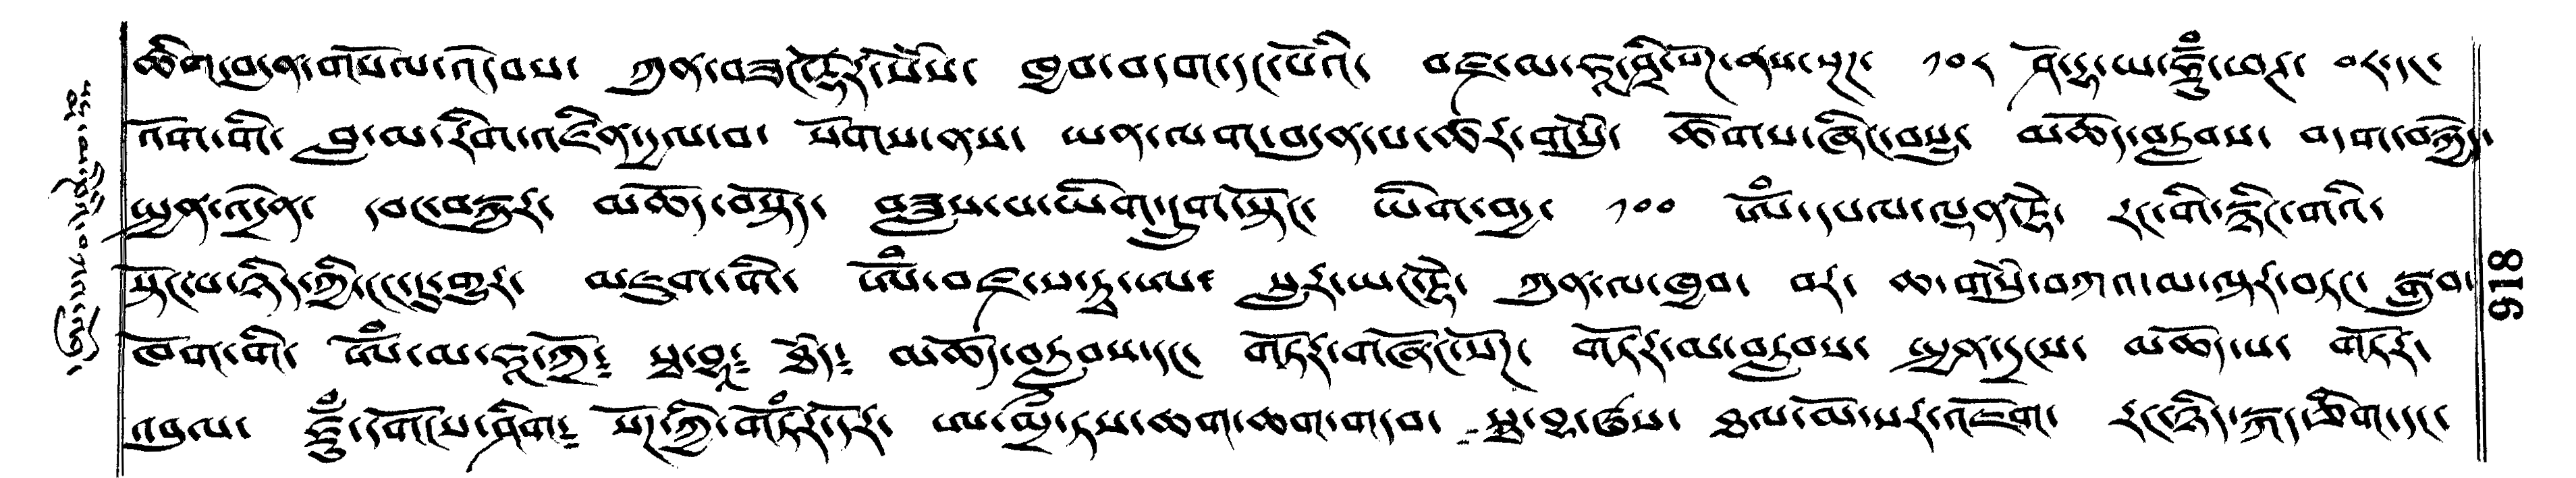ཚིག་བདུན་གསོལ་འདེབས། ཀུན་བཟང་རྡོར་སེམས༴ ཁྱབ་བདག་དང་པོའི༴ བཛྲ་མ་ཧཱ་ཤྲི༴ སོགས་ནས་སྔགས་ ༡༠༨ ཤོ་དྷ་ཡ་ཧཱུྃ་ཕཊཿ བར་དང་། 
འོག་གི བླ་མ་རིག་འཛིན་རྒྱལ་བ༴ སོགས་ནས་ཡན་ལག་བདུན་པ་ཚར་གསུམ། ཚོགས་ཞིང་བསྡུ། མཆོད་བརླབས། བདག་བསྐྱེད་
སྤྱན་འདྲེན། དབང་བསྐུར། མཆོད་བསྟོད། བཟླས་པ་ཡིག་དྲུག་སྟོང་།ཡིག་བརྒྱ། ༡༠༠ ཨོཾ་དཔལ་ལྡན་རྡོ་རྗེ༴ རང་གི་སྙིང་གའི༴ 
སྟོང་པ་ཉིད་ཀྱི་ངང་དུ་གྱུར། མཇུག་གི ཨོཾ་བཛྲ་ས་ཏྭ་ཨཱཿསླར་ཡང་རྡོ་རྗེ༴ ཀུན་ལ་ཁྱབ། བར། ཆ་གསུམ་བཀའ་མ་ལྟར་བཏང་། སྒྲུབ་
ཁོག་གི ཨོཾ་མ་ཧཱ་ཀྲོ་དྷ༴ སྭ་བྷཱ་ཝ༴ ཐམས་ཅད༴ མཆོད་བརླབས་དང་། གཏོར་གཞོང༴སོགས། གཏོར་མ་བརླབ། སྤྱན་དྲངས། མཆོད་པ། གཏོར་
འབུལ། ཧཱུྃ༔ དགོངས་ཤིག༴ སོགས་ཀྱི་གཏོར་མ་དོར། ཨ་མྲི་ཏས་ཆག་ཆག་གདབ། སྭ་བྷ་ཝས། ཐལ་མོ་སར་འཇོག རང་ཉིད་སྐད་ཅིག༴ དང་།